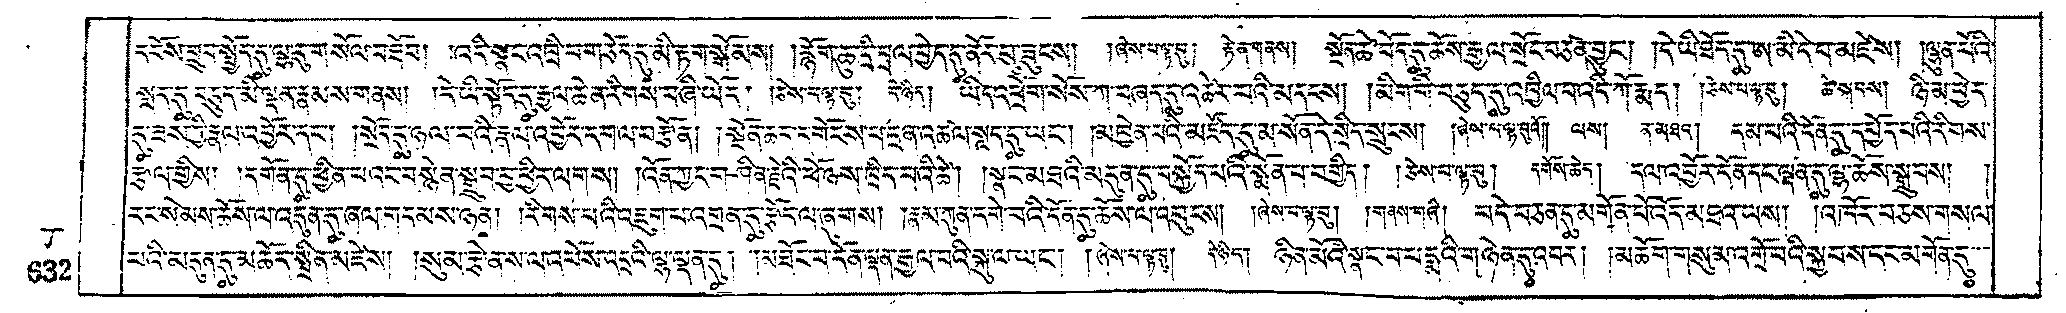དངོས་གྲུབ་སྤྱོད་དུ྾་ལྷ་རུ་གསོལ་བ་ཐོབ། །འདི་སྣང་འཁྲི་བ་གཅོད་དུ྾་མི་རྟག་སྒོམས། །རྙོག་ཆུ་དྲི་བྲལ་བྱེད་དུ྾་ནོར་བུ་ཟུངས། །ཞེས་པ་ལྟ་བུ། རྟེན་གནས།  སྔོན་ཚེ་བོད་དུ྾་ཆོས་རྒྱལ་སྲོང་བཙན་བྱུང་། །དེ་ཡི་ཐོད་དུ྾་ཨ་མི་དེ་བ་མཛེས། །ལྷུན་པོའི་
སྨད་དུ྾་བཅུད་མི་ལྡན་རྣམས་གནས། །དེ་ཡི་སྟོད་དུ྾་རྒྱལ་ཆེན་རིགས་བཞི་ཡོད། །ཅེས་པ་ལྟ་བུ། དེ་ཉིད།  ཡིད་འཕྲོག་སོགས་ཀ་བཞད་དུ྾་འཚེར་བའི་མ་དངས། །མིག་གི་བཅུད་དུ྾་འཁྱིལ་བའི་འདི་ཀོ་རྨད། །ཅེས་པ་ལྟ་བུ། ཚེ་སྐབས།  ཉི་མ་ཕྱེད་
དུ྾་ཟས་ཀྱི་རྣལ་འབྱོར་དང་། །སྲོད་དུ྾་ཉལ་བའི་རྣལ་འབྱོར་དག་ལ་བརྩོན། །སྔོན་ཆད་དགོངས་པ་དྲན་འཚལ་སླད་དུ྾་ཡང་། །མཁྱེན་པའི་མཛོད་དུ་མ་སོན་དེ་སྲིད་སྲུངས། །ཞེས་པ་ལྟ་བུའོ།། ལས། ན་མཐའ།  དམ་པའི་དོན་དུ྾་དཔྱོད་པའི་རིགས་
རྩལ་གྱིས། །དགོན་དུ྾་ཕྱིན་པའང་བསྙེན་སྒྲུབ་བྱ་ཕྱིར་ལགས། །འོན་ཀྱང་གཤིན་རྗེའི་ཕོ་ཉས་ཁྲིད་པའི་ཚེ། །སྣང་མཐའི་མདུན་དུ྾་བསྐྱོད་པའི་སྨོན་པ་བགྱིད། །ཅེས་པ་ལྟ་བུ། དགོས་ཆེད།  དལ་འབྱོར་དོན་དང་ལྡན་དུ྾་ལྷ་ཆོས་སྒྲུབས། །
རང་སེམས་ཆོས་ལ་བདུན་དུ྾་ཞལ་གདམས་ཉན། །རིགས་པའི་འཇུག་པ་འགྲན་དུ྾་རྩོད་ལ་ཞུགས། །རྣམ་ཀུན་དགེ་བའི་དོན་དུ྾་ཆོས་ལ་འབུངས། །ཞེས་པ་ལྟ་བུ། །གནས་གཞི།  བདེ་བ་ཅན་དུ྾་མགོན་པོ་འོད་མཐའ་ཡས། །འཁོར་བཅས་གསལ་
པའི་མདུན་དུ྾་མཆོད་སྤྲིན་མཛེས། །སུམ་རྩེན་ས་ལ་འཕོས་འདྲའི་ལྷ་ལྡན་དུ྾། །མཐོང་བ་དོན་ལྡན་རྒྱལ་བའི་སྐུ་ལ་ཡང་། །ཞེས་པ་ལྟ་བུ། དེ་ཉིད།  ཉིན་མོའི་སྣང་བ་པདམའི་གཉེན་དུ྾་འབར། །མཆོག་གསུམ་འགྲོ་བའི་སྐྱབས་དང་མགོན་དུ྾་་་